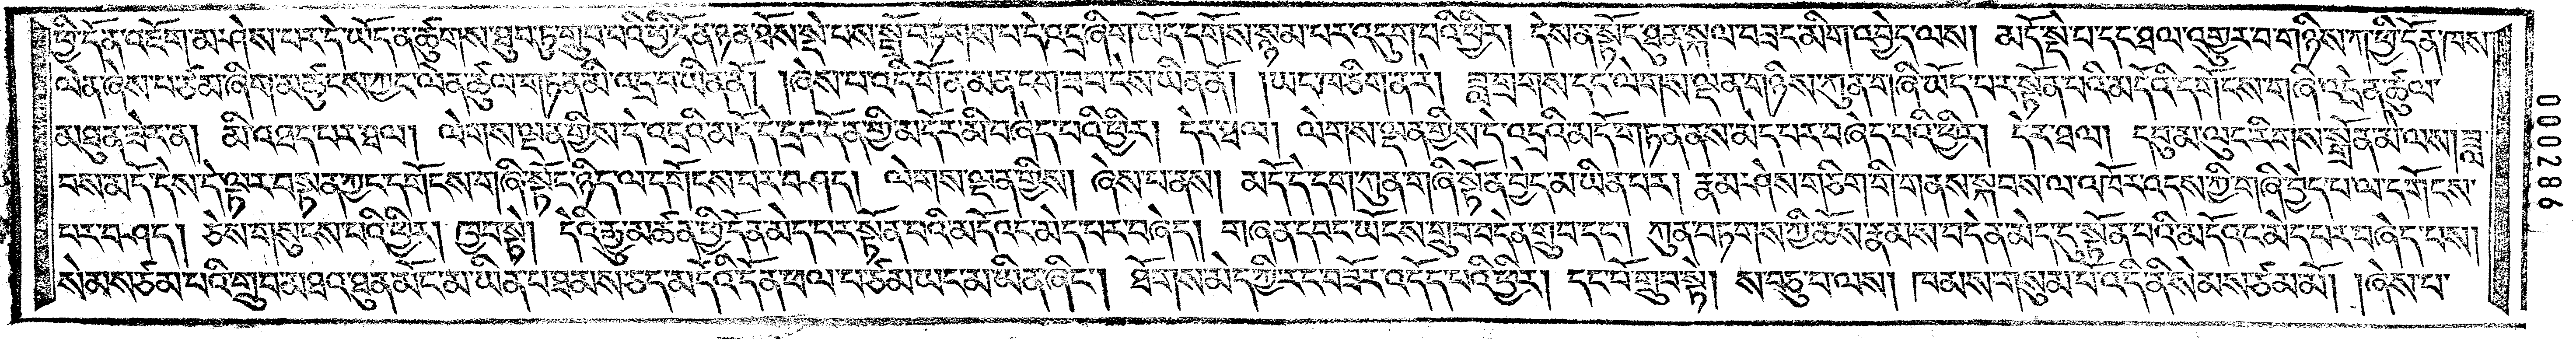ཕྱི་དོན་འཇོག་མ་ཤེས་པར་དེ་ཡོད་ན་ཚུགས་ཐུབ་ཏུ་གྲུབ་པའི་ཕྱི་དོན་ཉན་ཐོས་སྡེ་པས་སྒྲོ་བཏགས་པ་དེ་འདྲ་ཞིག་ཡོད་དགོས་སྙམ་པར་འདུག་པའི་ཕྱིར། དེས་ན་སྟོང་ཐུན་སྐལ་བཟང་མིག་འབྱེད་ལས། མདོ་སྡེ་པ་དང་ཐལ་འགྱུར་བ་གཉིས་ཀ་ཕྱི་དོན་ཁས་
ལེན་ཞེས་པ་ཙམ་ཞིག་མཚུངས་ཀྱང་ལེན་ཚུལ་གཏན་མི་འདྲ་བ་ཡིན་ནོ། །ཞེས་པ་འདི་གོ་ན་མན་ངག་ཟབ་ངེས་ཡིན་ནོ། །ཡང་ཁ་ཅིག་ན་རེ། ཟླ་གྲགས་དང་ལེགས་ལྡན་གཉིས་ཀུན་གཞི་ཡོད་པར་སྟོན་པའི་མདོའི་དགོངས་གཞི་འདྲེན་ཚུལ་
མཐུན་ཟེར་ན། མི་འཐད་པར་ཐལ། ལེགས་ལྡན་གྱིས་དེ་འདྲའི་མདོ་དེ་དྲང་དོན་གྱི་མདོར་མི་བཞེད་པའི་ཕྱིར། དེར་ཐལ། ལེགས་ལྡན་གྱིས་དེ་འདྲའི་མདོ་གཏན་ནས་མེད་པར་བཞེད་པའི་ཕྱིར། དེར་ཐལ། དབུ་མ་ལུང་རིགས་སྒྲོན་མེ་ལས། ཟླ་
བས་མདོ་དེས་དེ་ལྟར་བསྟན་ཀྱང་དགོངས་གཞི་སྟོང་ཉིད་ལ་དགོངས་པར་བཤད། ལེགས་ལྡན་གྱིས། ཞེས་པ་ནས། མདོ་དེ་དག་ཀུན་གཞི་སྟོན་བྱེད་མ་ཡིན་པར། རྣམ་ཤེས་གཅིག་གི་གནས་སྐབས་ལ་འཁོར་འདས་ཀྱི་གཞི་བྱེད་པ་ལ་དགོངས་
པར་བཤད། ཅེས་གསུངས་པའི་ཕྱིར། ཁྱབ་སྟེ། དེའི་རྒྱུ་མཚན་ཕྱི་དོན་མེད་པར་སྟོན་པའི་མདོའང་མེད་པར་བཞེད། གཞན་དབང་ཡོངས་གྲུབ་བདེན་གྲུབ་དང་། ཀུན་བཏགས་ཀྱི་ཆོས་རྣམས་བདེན་མེད་དུ་སྟོན་པའི་མདོའང་མེད་པར་བཞེད་པས།
སེམས་ཙམ་པའི་གྲུབ་མཐའ་ཐུན་མོང་མ་ཡིན་པ་ཐམས་ཅད་མདོའི་དོན་ཕལ་པ་ཙམ་ཡང་མ་ཡིན་ཞིང་། ཐོགས་མེད་ཀྱི་རང་བཟོར་འདོད་པའི་ཕྱིར། དང་པོ་གྲུབ་སྟེ། ས་བཅུ་པ་ལས། ཁམས་གསུམ་པོ་འདི་ནི་སེམས་ཙམ་མོ། །ཞེས་པ་